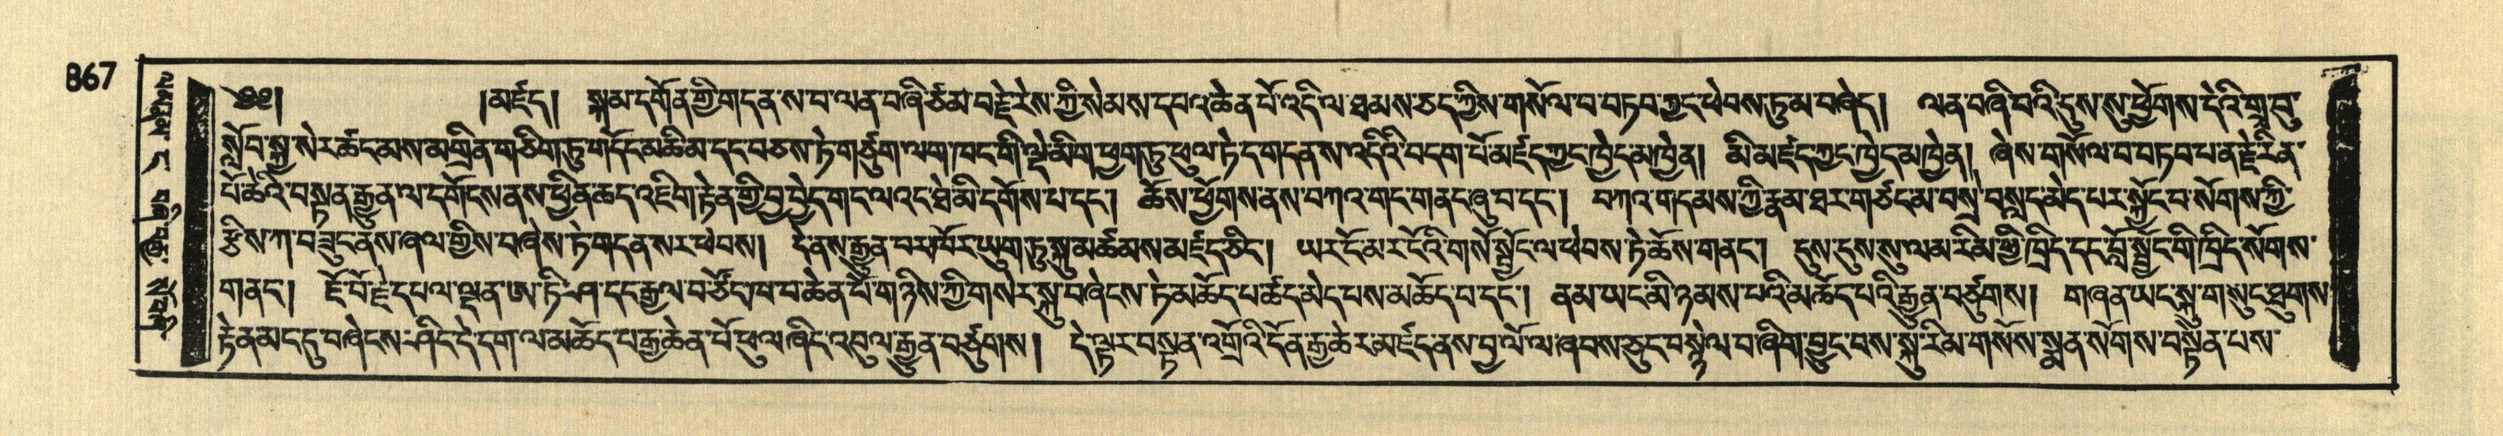༄༅། །མཛད། སྐམ་དགོན་གྱི་གདན་ས་བ་ལན་བཞི་ཙམ་བརྗེ་རེས་ཀྱི་སེམས་དཔའ་ཆེན་པོ་འདི་ལ་ཐམས་ཅད་ཀྱིས་གསོལ་བ་བཏབ་ཀྱང་ཕེབས་ཏུ་མ་བཞེད། ལན་བཞི་བའི་དུས་སུ་ཕྱོགས་དེའི་གྲྭ་བུ་
སློབ་སྐྱ་སེར་ཚང་མས་མགྲིན་གཅིག་ཏུ་གདོང་མཆི་མ་དང་བཅས་ཏེ་གཙུག་ལག་ཁང་གི་ལྡེ་མིག་ཕྱག་ཏུ་ཕུལ་ཏེ་ད་གདན་ས་འདིའི་བདག་པོ་མཛད་ཀྱང་ཁྱེད་མཁྱེན། མི་མཛད་ཀྱང་ཁྱེད་མཁྱེན། ཞེས་གསོལ་བ་བཏབ་པ་ན་རྗེ་རིན་
པོ་ཆེའི་བསྟན་རྒྱུན་ལ་དགོངས་ནས་ཕྱིན་ཆད་འཇིག་རྟེན་གྱི་བྱ་བྱེད་གང་ལའང་ཐེ་མི་དགོས་པ་དང་། ཆོས་ཕྱོགས་ནས་བཀའ་གང་གནང་ཞུ་བ་དང་། བཀའ་གདམས་ཀྱི་རྣམ་ཐར་གཙང་མ་བསྲེ་བསླད་མེད་པར་སྐྱོང་བ་སོགས་ཀྱི་
རྩིས་ཀ་བཟུང་ནས་ཞལ་གྱིས་བཞེས་ཏེ་གདན་སར་ཕེབས། དེ་ནས་རྒྱུན་བར་ཁོར་ཡུག་ཏུ་སྐུ་མཚམས་མཛད་ཅིང་། ཡར་ངོ་མར་ངོའི་གསོ་སྦྱོང་ལ་ཕེབས་ཏེ་ཆོས་གནང་། དུས་དུས་སུ་ལམ་རིམ་གྱི་ཁྲིད་དང་བློ་སྦྱོང་གི་ཁྲིད་སོགས་
གནང་། ཇོ་བོ་རྗེ་དཔལ་ལྡན་ཨ་ཏི་ཤ་དང་རྒྱལ་བ་ཙོང་ཁ་བ་ཆེན་པོ་གཉིས་ཀྱི་གསེར་སྐུ་བཞེངས་ཏེ་མཆོད་པ་ཚད་མེད་པས་མཆོད་པ་དང་། ནམ་ཡང་མི་ཉམས་པའི་མཆོད་པའི་རྒྱུན་བཙུགས། གཞན་ཡང་སྐུ་གསུང་ཐུགས་
རྟེན་མང་དུ་བཞེངས་ཤིང་དེ་དག་ལ་མཆོད་པ་རྒྱ་ཆེན་པོ་ཕུལ་ཞིང་འབུལ་རྒྱུན་བཙུགས། དེ་ལྟར་བསྟན་འགྲོའི་དོན་རྒྱ་ཆེར་མཛད་ནས་བྱ་ལོ་ལ་ཞབས་ཅུང་བསྙེལ་བ་ཞིག་བྱུང་བས་སྐུ་རིམ་གསོས་སྨན་སོགས་བསྟེན་པས་